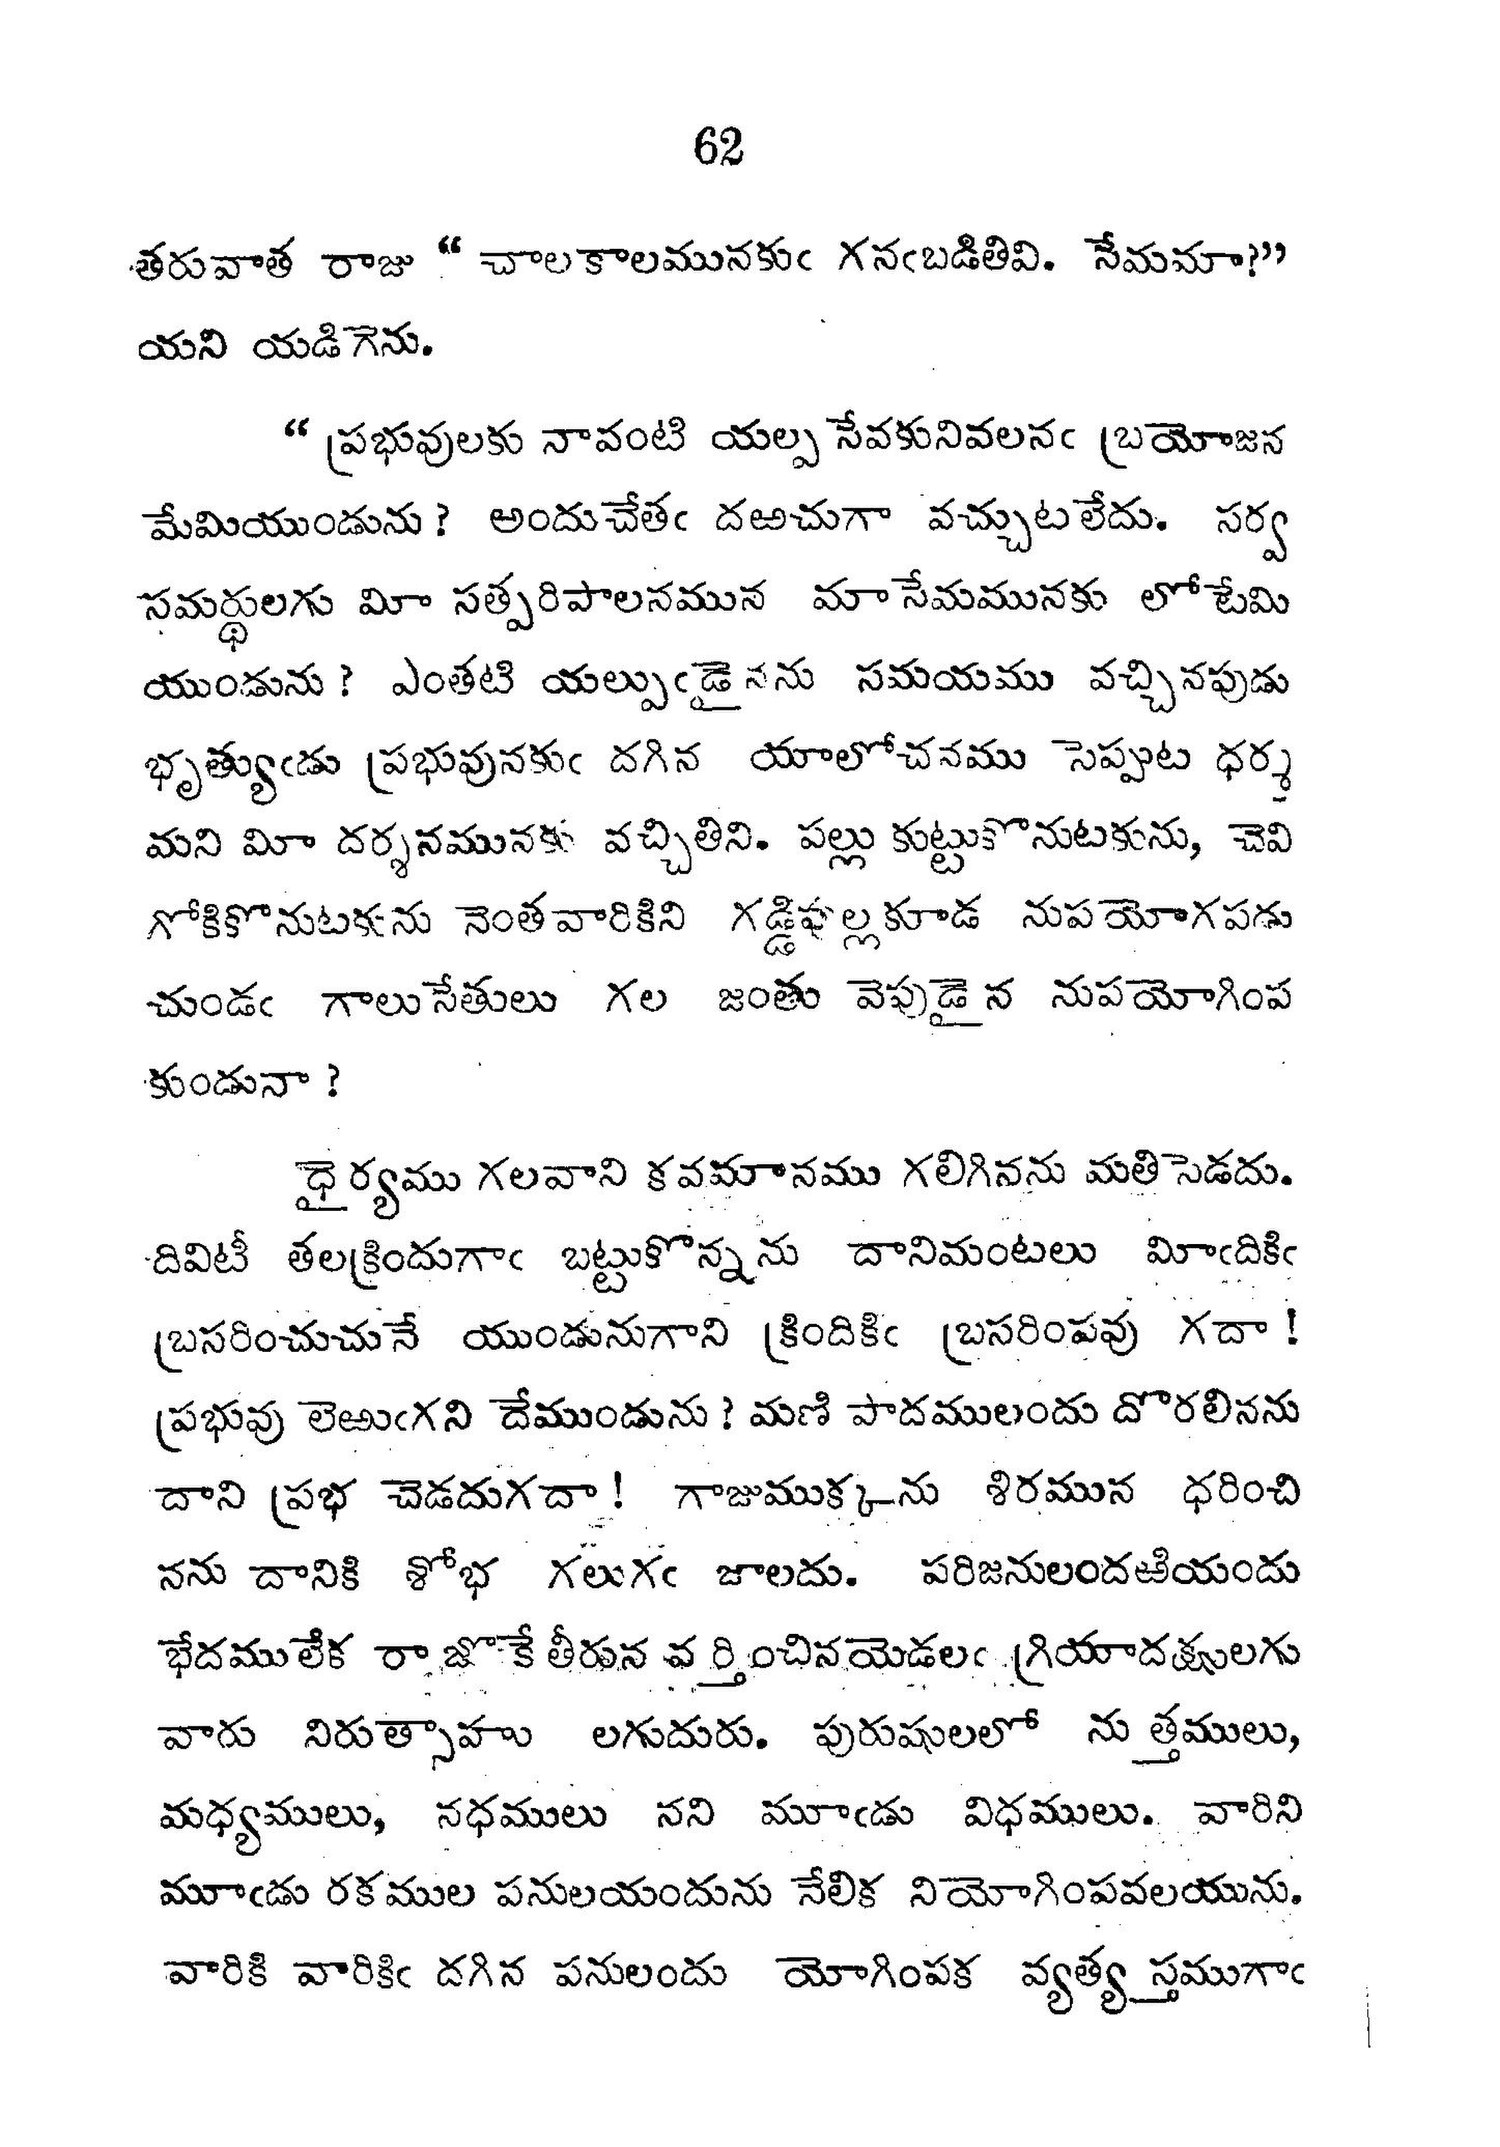తరువాత రాజు"చాలకాలమునకు గనబడితివి. సేమమా?" యని యడిగెను.

"ప్రభువులకు నావంటి యల్ప సేవకునివలనఁ బ్రయోజన మేమియుండును? అందుచేతఁ దఱచుగా వచ్చుటలేదు. సర్వసమర్థులగు మీ సత్పరిపాలనమున మాసేమమునకు లోటేమి యుండును? ఎంతటి యల్పుడైనను సమయము వచ్చినప్పుడు భృత్యుడు ప్రభువునకు దగిన యాలోచనము సెప్పుట ధర్మమని మీ దర్శనమునకు వచ్చితిని. పల్లు కుట్టుకొనుటకును, చెవి గోకికొనుటకును నెంతవారికిని గడ్డిపుల్లకూడ నుపయోగపడు చుండఁ గాలుసేతులు గల జంతు వెపుడైన నుపయోగింప కుండునా?

ధైర్యము గలవాని కవమానము గలిగినను మతిసెడదు. దివిటీ తలక్రిందుగా బట్టుకొన్నను దాని మంటలు మీదికి బ్రసరించుచునే యుండునుగాని క్రిందికి బ్రసరింపవు గదా! ప్రభువు లెఱుగని దేముండును? మణి పాదములందు దొరలినను దాని ప్రభ చెడదుగదా! గాజుముక్కను శిరమున ధరించినను దానికి శోభగలుగఁ జాలదు. పరిజనులందఱియందు భేదములేక రాజొకే తీరున వర్తించినయెడలఁ గ్రియాదక్షులగు వారు నిరుత్సాహు లగుదురు. పురుషులలో నుత్తములు, మధ్యములు, నధములు నని మూడు విధములు. వారిని మూడు రకముల పనులయందును నేలిక నియోగింపవలయును. వారికి వారికిఁ దగిన పనులందు యోగింపక వ్యత్యస్తముగాఁ